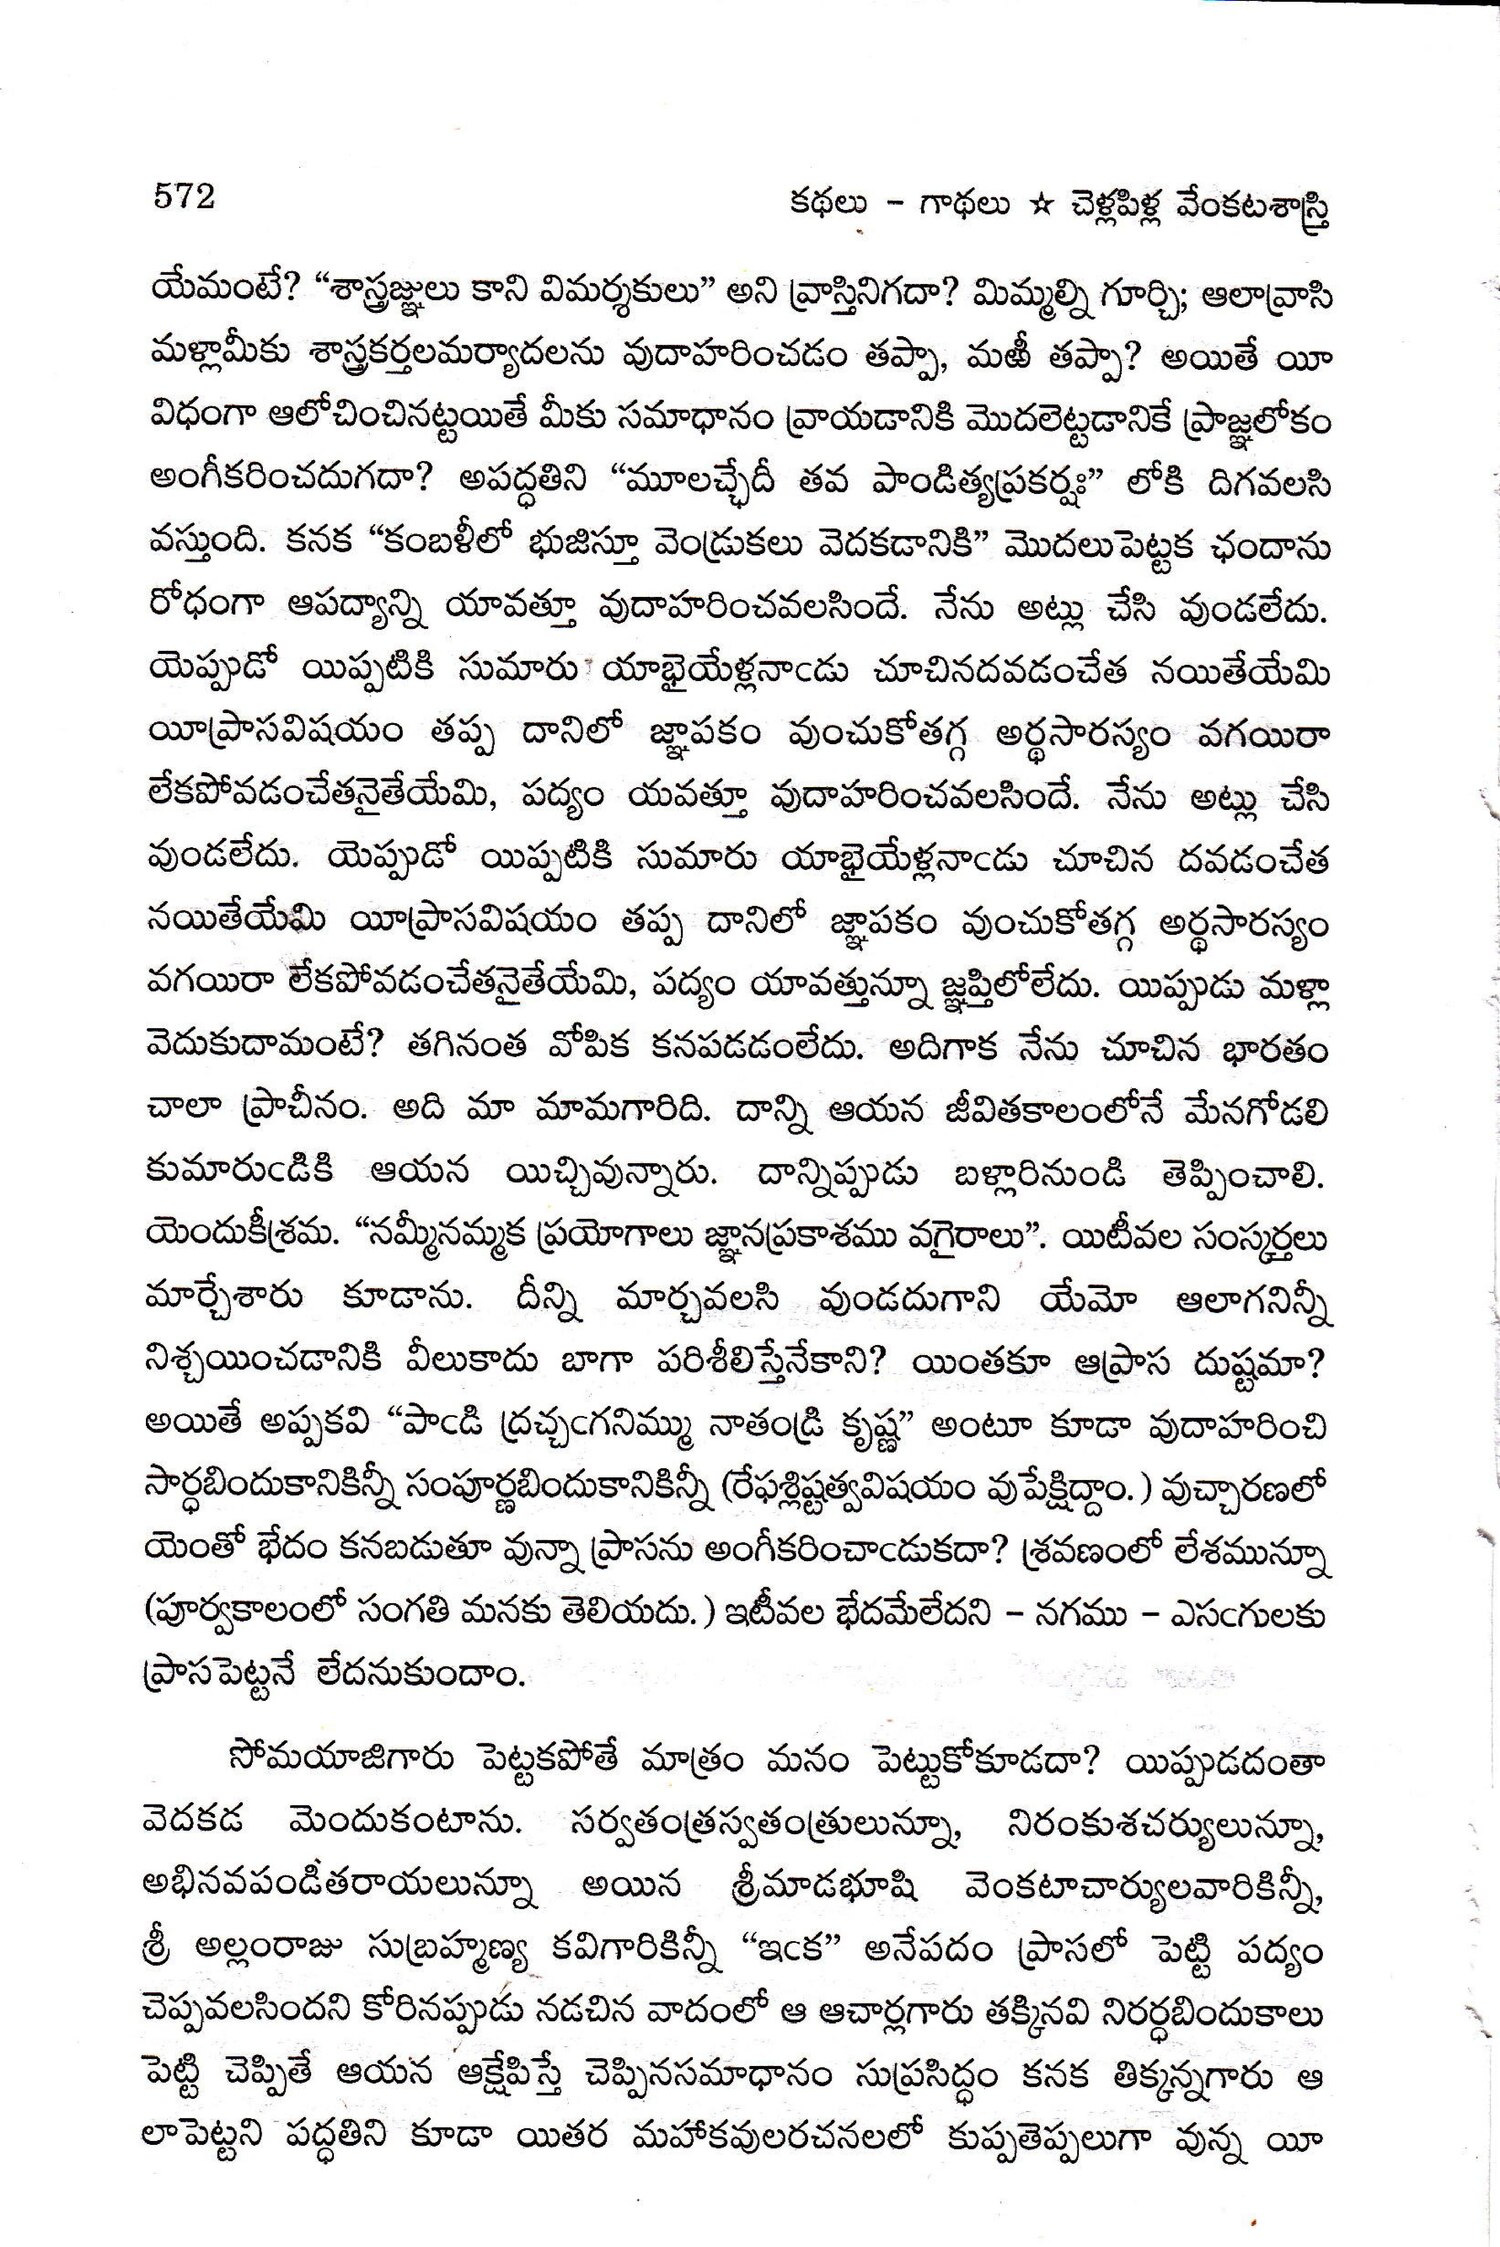యేమంటే? "శాస్త్రజ్ఞులు కాని విమర్శకులు" అని వ్రాస్తినిగదా? మిమ్మల్ని గూర్చి; ఆలావ్రాసి మళ్లామీకు శాస్త్రకర్తలమర్యాదలను వుదాహరించడం తప్పా, మఱీ తప్పా? అయితే యీ విధంగా ఆలోచించినట్టయితే మీకు సమాధానం వ్రాయడానికి మొదలెట్టడానికే ప్రాజ్ఞలోకం అంగీకరించదుగదా? అపద్ధతిని “మూలచ్ఛేదీ తవ పాండిత్యప్రకర్షః" లోకి దిగవలసి వస్తుంది. కనక "కంబళీలో భుజిస్తూ వెండ్రుకలు వెదకడానికి" మొదలుపెట్టక ఛందాను రోధంగా ఆపద్యాన్ని యావత్తూ వుదాహరించవలసిందే. నేను అట్లు చేసి వుండలేదు. యెప్పుడో యిప్పటికి సుమారు యాభైయేళ్లనాఁడు చూచినదవడంచేత నయితేయేమి యీప్రాసవిషయం తప్ప దానిలో జ్ఞాపకం వుంచుకోతగ్గ అర్థసారస్యం వగయిరా లేకపోవడంచేతనైతేయేమి, పద్యం యవతూ వుదాహరించవలసిందే. నేను అట్లు చేసి వుండలేదు. యెప్పడో యిప్పటికి సుమారు యాభైయేళ్లనాండు చూచిన దవడంచేత నయితేయేమి యీప్రాసవిషయం తప్ప దానిలో జ్ఞాపకం వుంచుకోతగ్గ అర్థసారస్యం వగయిరా లేకపోవడంచేతనైతేయేమి, పద్యం యావత్తున్నూ జ్ఞప్తిలోలేదు. యిప్పుడు మళ్లా వెదుకుదామంటే? తగినంత వోపిక కనపడడంలేదు. అదిగాక నేను చూచిన భారతం చాలా ప్రాచీనం. అది మా మామగారిది. దాన్ని ఆయన జీవితకాలంలోనే మేనగోడలి కుమారుఁడికి ఆయన యిచ్చివున్నారు. దాన్నిప్పుడు బళ్లారినుండి తెప్పించాలి. యెందుకీశ్రమ. "నమ్మీనమ్మక ప్రయోగాలు జ్ఞానప్రకాశము వగైరాలు". యిటీవల సంస్కర్తలు మార్చేశారు కూడాను. దీన్ని మార్చవలసి వుండదుగాని యేమో ఆలాగనిన్నీ నిశ్చయించడానికి వీలుకాదు బాగా పరిశీలిస్తేనేకాని? యింతకూ ఆప్రాస దుష్టమా? అయితే అప్పకవి “పాఁడి ద్రచ్చఁగనిమ్ము నాతండ్రి కృష్ణ" అంటూ కూడా వుదాహరించి సార్థబిందుకానికిన్నీ సంపూర్ణబిందుకానికిన్నీ (రేఫశ్లిష్టత్వవిషయం వుపేక్షిద్దాం.) వుచ్చారణలో యెంతో భేదం కనబడుతూ వున్నా ప్రాసను అంగీకరించాఁడుకదా? శ్రవణంలో లేశమున్నూ (పూర్వకాలంలో సంగతి మనకు తెలియదు.) ఇటీవల భేదమేలేదని - నగము - ఎసఁగులకు ప్రాసపెట్టనే లేదనుకుందాం.

సోమయాజిగారు పెట్టకపోతే మాత్రం మనం పెట్టుకోకూడదా? యిప్పుడదంతా వెదకడ మెందుకంటాను. సర్వతంత్రస్వతంత్రులున్నూ, నిరంకుశచర్యులున్నూ, అభినవపండితరాయలున్నూ అయిన శ్రీమాడభూషి వెంకటాచార్యులవారికిన్నీ శ్రీ అల్లంరాజు సుబ్రహ్మణ్య కవిగారికిన్నీ “ఇఁక” అనేపదం ప్రాసలో పెట్టి పద్యం చెప్పవలసిందని కోరినప్పుడు నడచిన వాదంలో ఆ ఆచార్లగారు తక్కినవి నిరర్థబిందుకాలు పెట్టి చెప్పితే ఆయన ఆక్షేపిస్తే చెప్పినసమాధానం సుప్రసిద్ధం కనక తిక్కన్నగారు ఆ లాపెట్టని పద్ధతిని కూడా యితర మహాకవులరచనలలో కుప్పతెప్పలుగా వున్న యీ